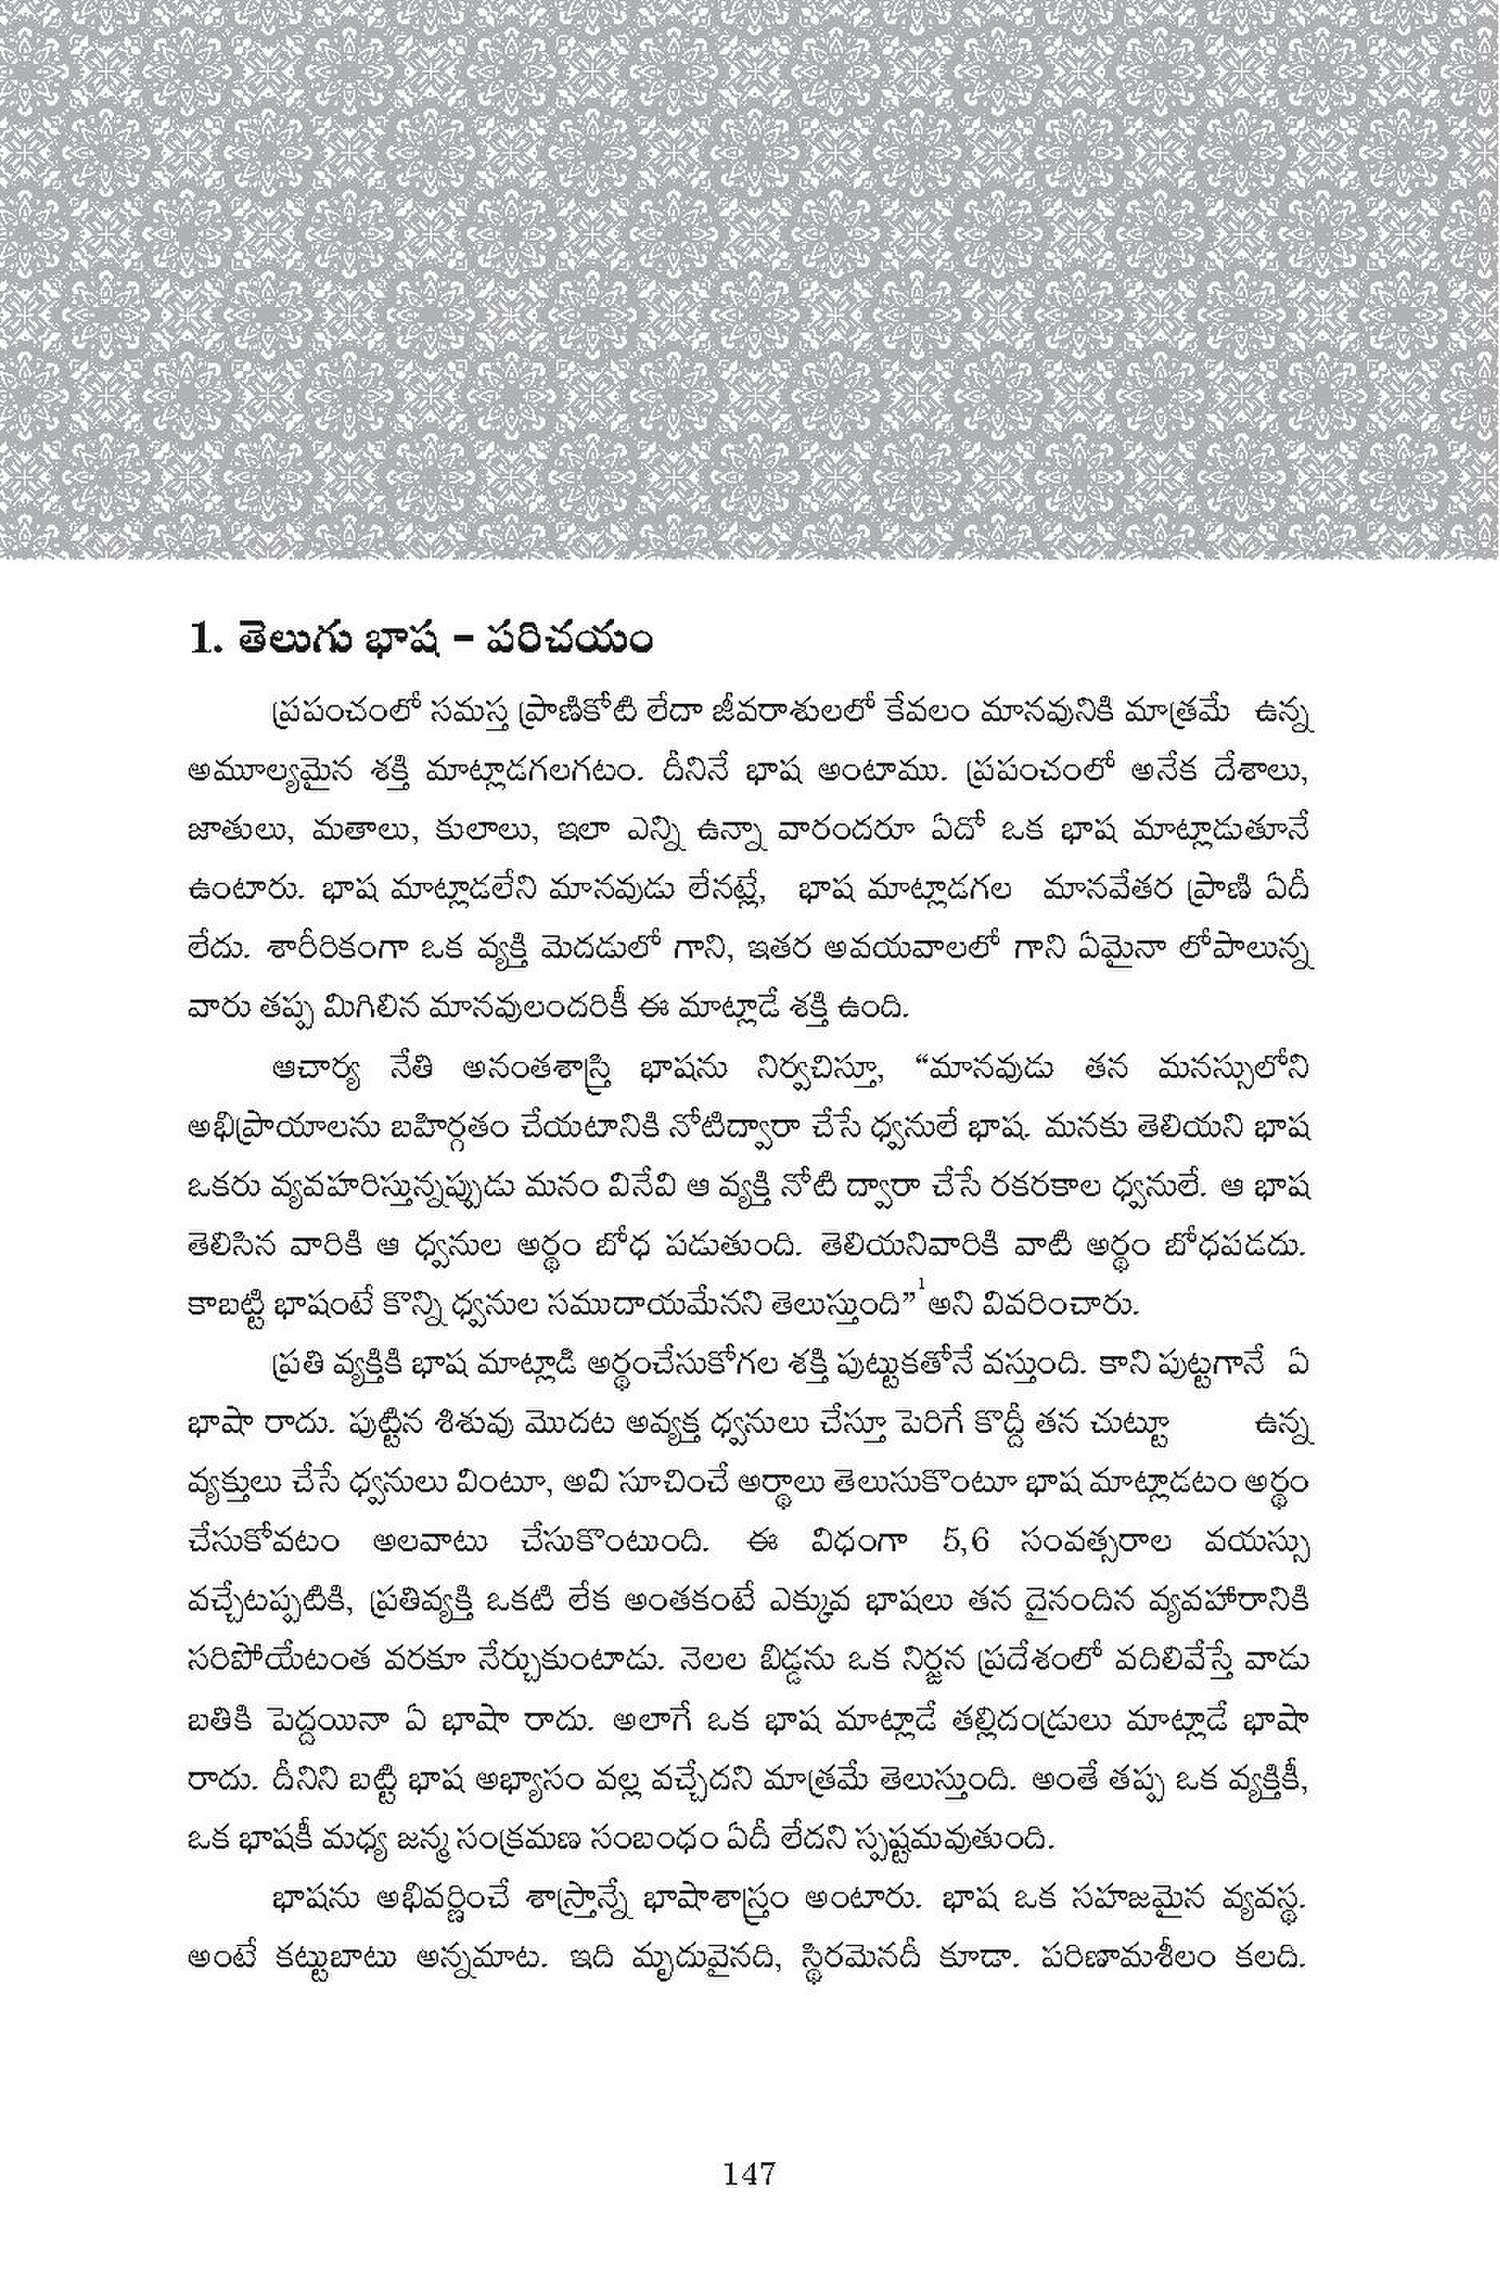1. తెలుగు భాష - పరిచయం 

ప్రపంచంలో సమస్త ప్రాణికోటి లేదా జీవరాశులలో కేవలం మానవునికి మాత్రమే ఉన్న అమూల్యమైన శక్తి మాట్లాడగలగటం. దీనినే భాష అంటాము. ప్రపంచంలో అనేక దేశాలు, జాతులు, మతాలు, కులాలు, ఇలా ఎన్ని ఉన్నా వారందరూ ఏదో ఒక భాష మాట్లాడుతూనే ఉంటారు. భాష మాట్లాడలేని మానవుడు లేనట్లే, భాష మాట్లాడగల మానవేతర ప్రాణి ఏదీ
లేదు. శారీరికంగా ఒక వ్యక్తి మెదడులో గాని, ఇతర అవయవాలలో గాని ఏమైనా లోపాలున్న వారు తప్ప మిగిలిన మానవులందరికీ ఈ మాట్లాడే శక్తి ఉంది.

ఆచార్య నేతి అనంతశాస్త్రి భాషను నిర్వచిస్తూ, “మానవుడు తన మనస్సులోని అభిప్రాయాలను బహిర్గతం చేయటానికి నోటిద్వారా చేసే ధ్వనులే భాష. మనకు తెలియని భాష ఒకరు వ్యవహరిస్తున్నప్పుడు మనం వినేవి ఆ వ్యక్తి నోటి ద్వారా చేసే రకరకాల ధ్వనులే. ఆ భాష తెలిసిన వారికి ఆ ధ్వనుల అర్థం బోధ పడుతుంది. తెలియనివారికి వాటి అర్థం బోధపడదు. కాబట్టి భాషంటే కొన్ని ధ్వనుల సముదాయమేనని తెలుస్తుంది” అని వివరించారు.

ప్రతి వ్యక్తికి భాష మాట్లాడి అర్థంచేసుకోగల శక్తి పుట్టుకతోనే వస్తుంది. కాని పుట్టగానే ఏ భాషా రాదు. పుట్టిన శిశువు మొదట అవ్యక్త ధ్వనులు చేస్తూ పెరిగే కొద్దీ తన చుట్టూ ఉన్న వ్యక్తులు చేసే ధ్వనులు వింటూ, అవి సూచించే అర్థాలు తెలుసు కొంటూ భాష మాట్లాడటం అర్థం చేసుకోవటం అలవాటు చేసుకొంటుంది. ఈ విధంగా 5,6 సంవత్సరాల వయస్సు
వచ్చేటప్పటికి, ప్రతివ్యక్తి ఒకటి లేక అంతకంటే ఎక్కువ భాషలు తన దైనందిన వ్యవహారానికి సరిపోయేటంత వరకూ నేర్చుకుంటాడు. నెలల బిడ్డను ఒక నిర్జన ప్రదేశంలో వదిలివేస్తే వాడు బతికి పెద్దయినా ఏ భాషా రాదు. అలాగే ఒక భాష మాట్లాడే తల్లిదండ్రులు మాట్లాడే భాషా రాదు. దీనిని బట్టి భాష అభ్యాసం వల్ల వచ్చేదని మాత్రమే తెలుస్తుంది. అంతే తప్ప ఒక వ్యక్తికీ, ఒక భాషకీ మధ్య జన్మ సంక్రమణ సంబంధం ఏదీ లేదని స్పష్టమవుతుంది.

భాషను అభివర్ణించే శాస్త్రాన్నే భాషాశాస్త్రం అంటారు. భాష ఒక సహజమైన వ్యవస్థ. అంటే కట్టుబాటు అన్నమాట. ఇది మృదువైనది, స్థిరమైనదీ కూడా. పరిణామశీలం కలది.